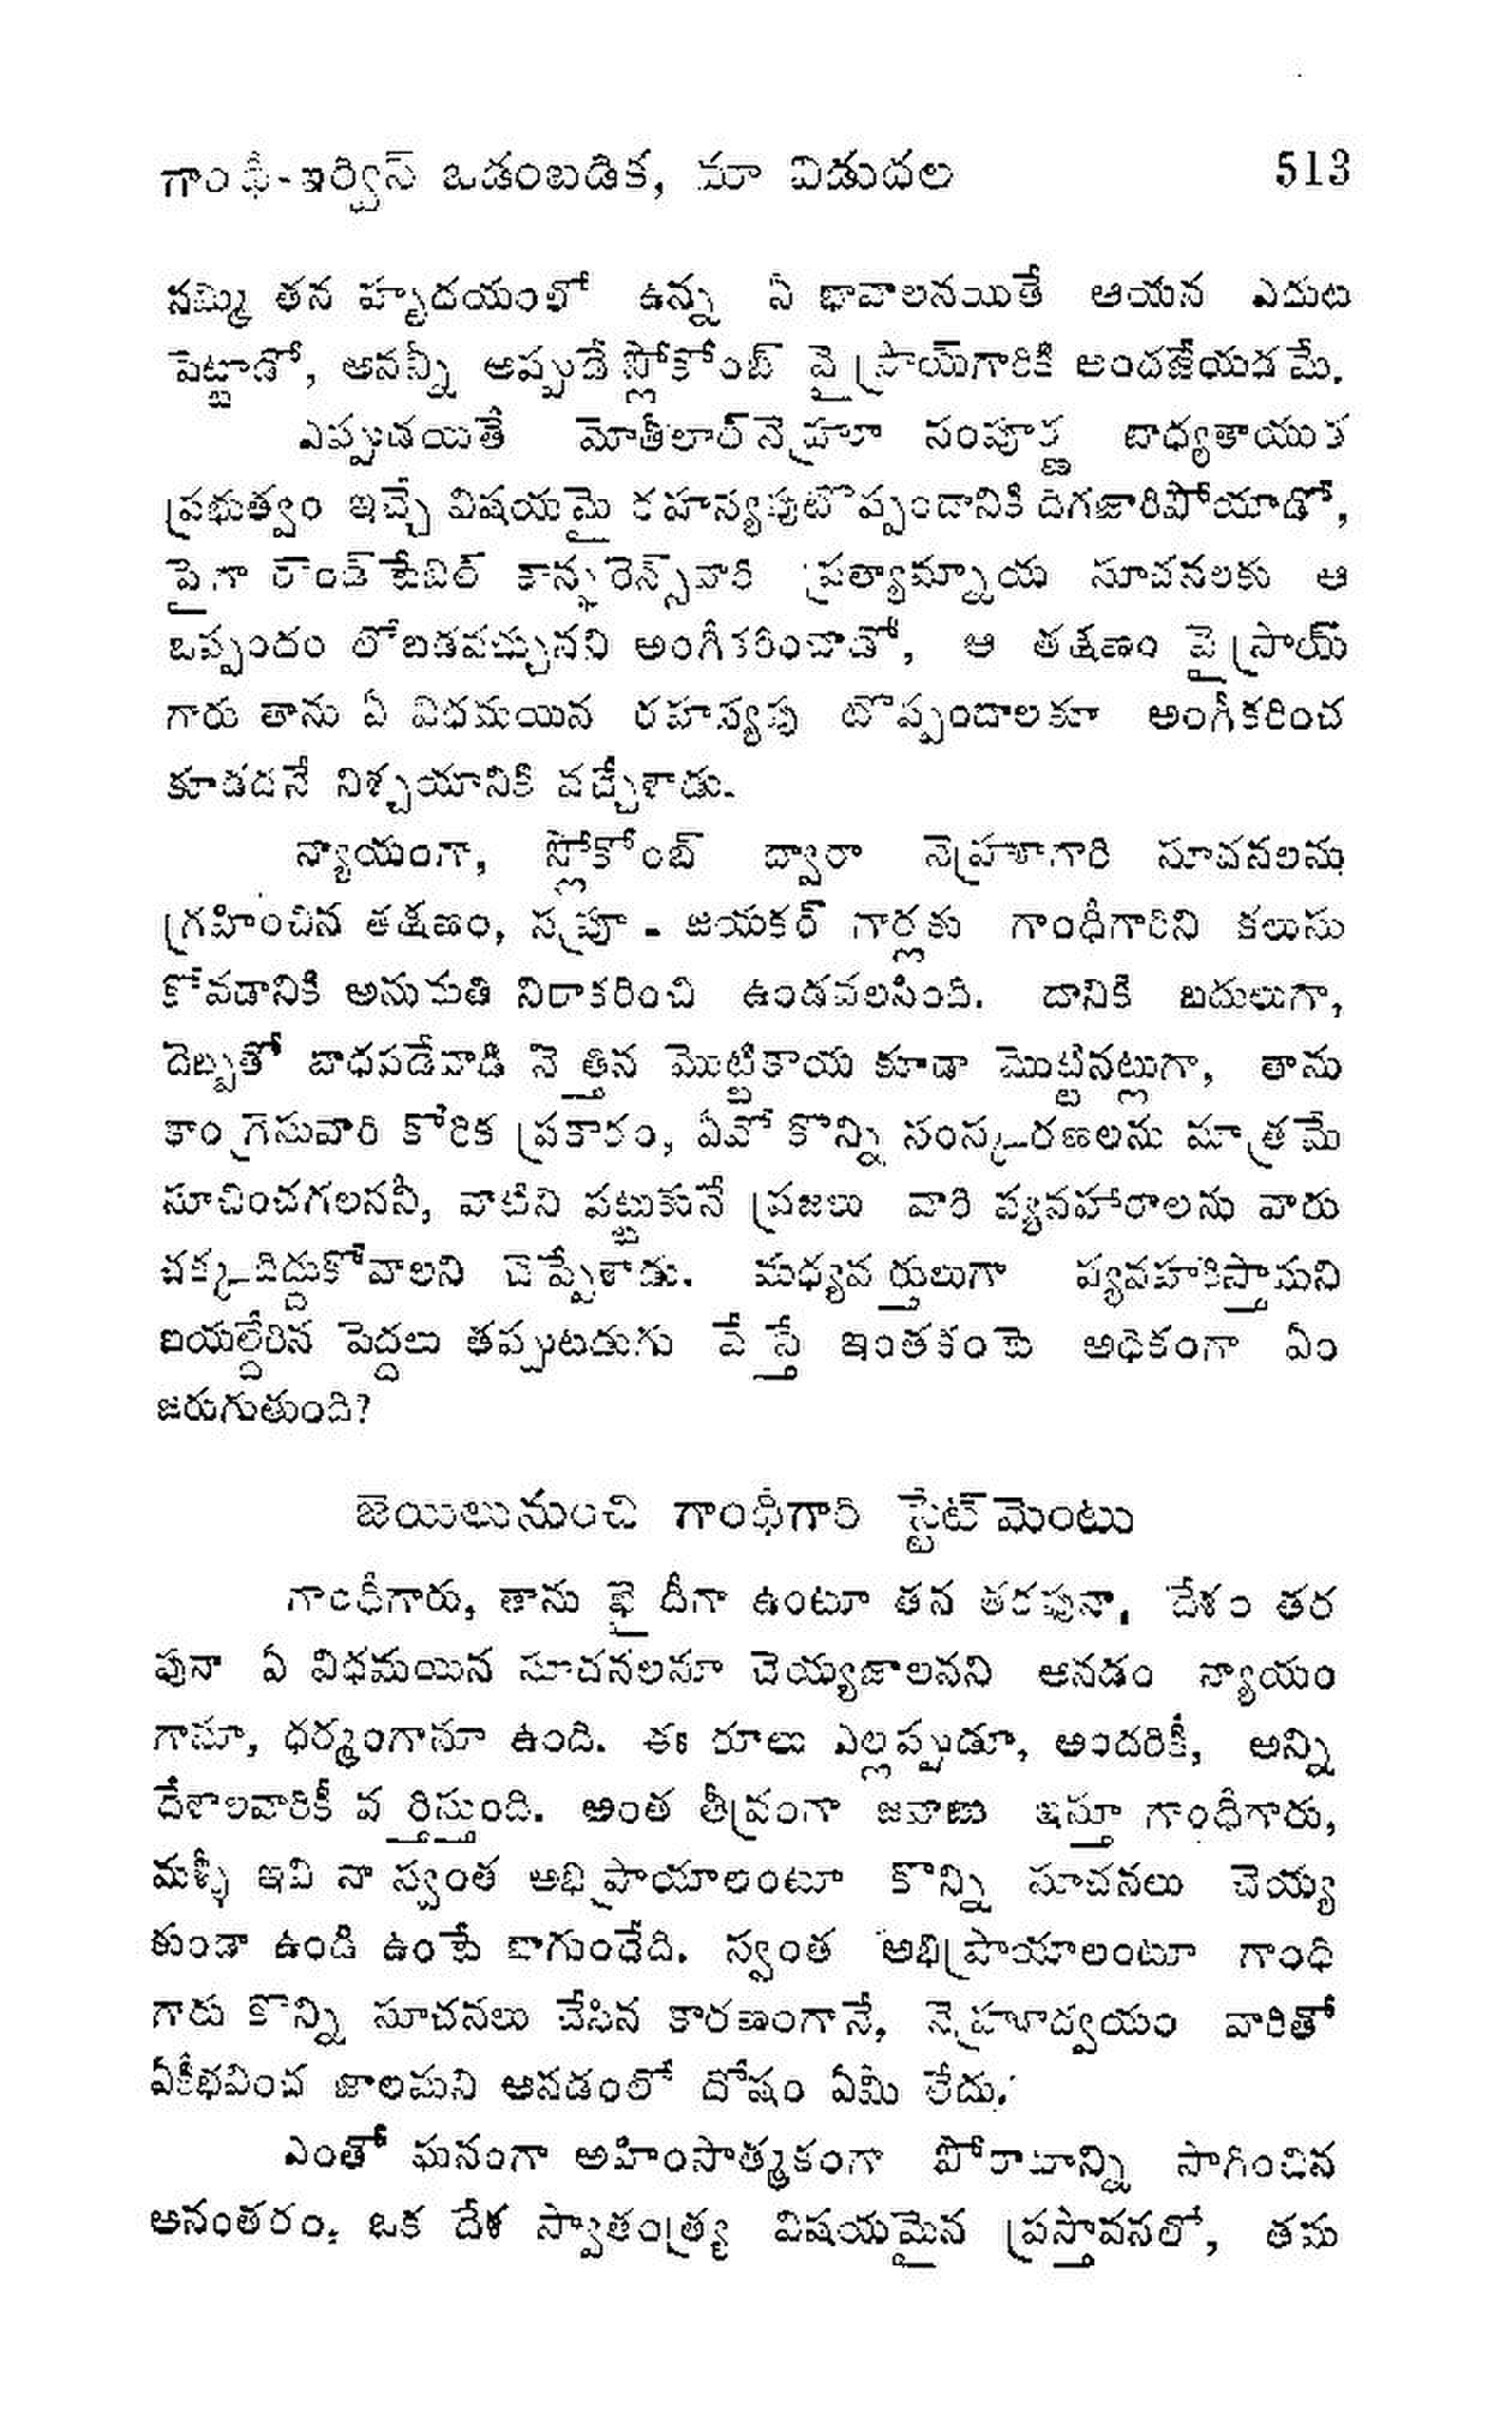నమ్మి తన హృదయంలో ఉన్న ఏ భావాలనయితే ఆయన ఎదుట పెట్టాడో, అవన్నీ అప్పుడే స్లోకోంబ్ వైస్రాయ్‌గారికి అందజేయడమే.

ఎప్పుడయితే మోతీలాల్‌నెహ్రూ సంపూర్ణ బాధ్యతాయుత ప్రభుత్వం ఇచ్చే విషయమై రహస్యపుటొప్పందానికి దిగజారిపోయాడో, పైగా రౌండ్‌టేబిల్ కాన్ఫరెన్స్‌వారి ప్రత్యామ్నాయ సూచనలకు ఆ ఒప్పందం లోబడవచ్చునని అంగీకరించాడో, ఆ తక్షణం వైస్రాయ్‌ గారు తాను ఏ విధమయిన రహస్యపు టొప్పందాలకూ అంగీకరించ కూడదనే నిశ్చయానికి వచ్చేశాడు.

న్యాయంగా, స్లోకోంబ్ ద్వారా నెహ్రూగారి సూచనలను గ్రహించిన తక్షణం, సప్రూ - జయకర్ గార్లకు గాంధీగారిని కలుసుకోవడానికి అనుమతి నిరాకరించి ఉండవలసింది. దానికి బదులుగా, దెబ్బతో బాధపడేవాడి నెత్తిన మొట్టికాయ కూడా మొట్టినట్లుగా, తాను కాంగ్రెసువారి కోరిక ప్రకారం, ఏవో కొన్ని సంస్కరణలను మాత్రమే సూచించ గలననీ, వాటిని పట్టుకునే ప్రజలు వారి వ్యవహారాలను వారు చక్కదిద్దు కోవాలని చెప్పేశాడు. మధ్యవర్తులుగా వ్యవహరిస్తామని బయల్దేరిన పెద్దలు తప్పుటడుగు వేస్తే ఇంతకంటె అధికంగా ఏం జరుగుతుంది?

గాంధీగారు, తాను ఖైదీగా ఉంటూ తన తరపునా, దేశం తరపునా ఏ విధమయిన సూచనలనూ చెయ్యజాలనని అనడం న్యాయంగానూ, ధర్మంగానూ ఉంది. ఈ రూలు ఎల్లప్పుడూ, అందరికీ, అన్ని దేశాలవారికీ వర్తిస్తుంది. అంత తీవ్రంగా జవాబు ఇస్తూ గాంధీగారు, మళ్ళీ ఇవి నా స్వంత అభిప్రాయాలంటూ కొన్ని సూచనలు చెయ్యకుండా ఉండి ఉంటే బాగుండేది. స్వంత అభిప్రాయాలంటూ గాంధిగారు కొన్ని సూచనలు చేసిన కారణంగానే, నెహ్రూద్వయం వారితో ఏకీభవించ జాలమని అనడంలో దోషం ఏమీ లేదు.

ఎంతో ఘనంగా అహింసాత్మకంగా పోరాటాన్ని సాగించిన అనంతరం, ఒక దేశ స్వాతంత్ర్య విషయమైన ప్రస్తావనలో, తమ